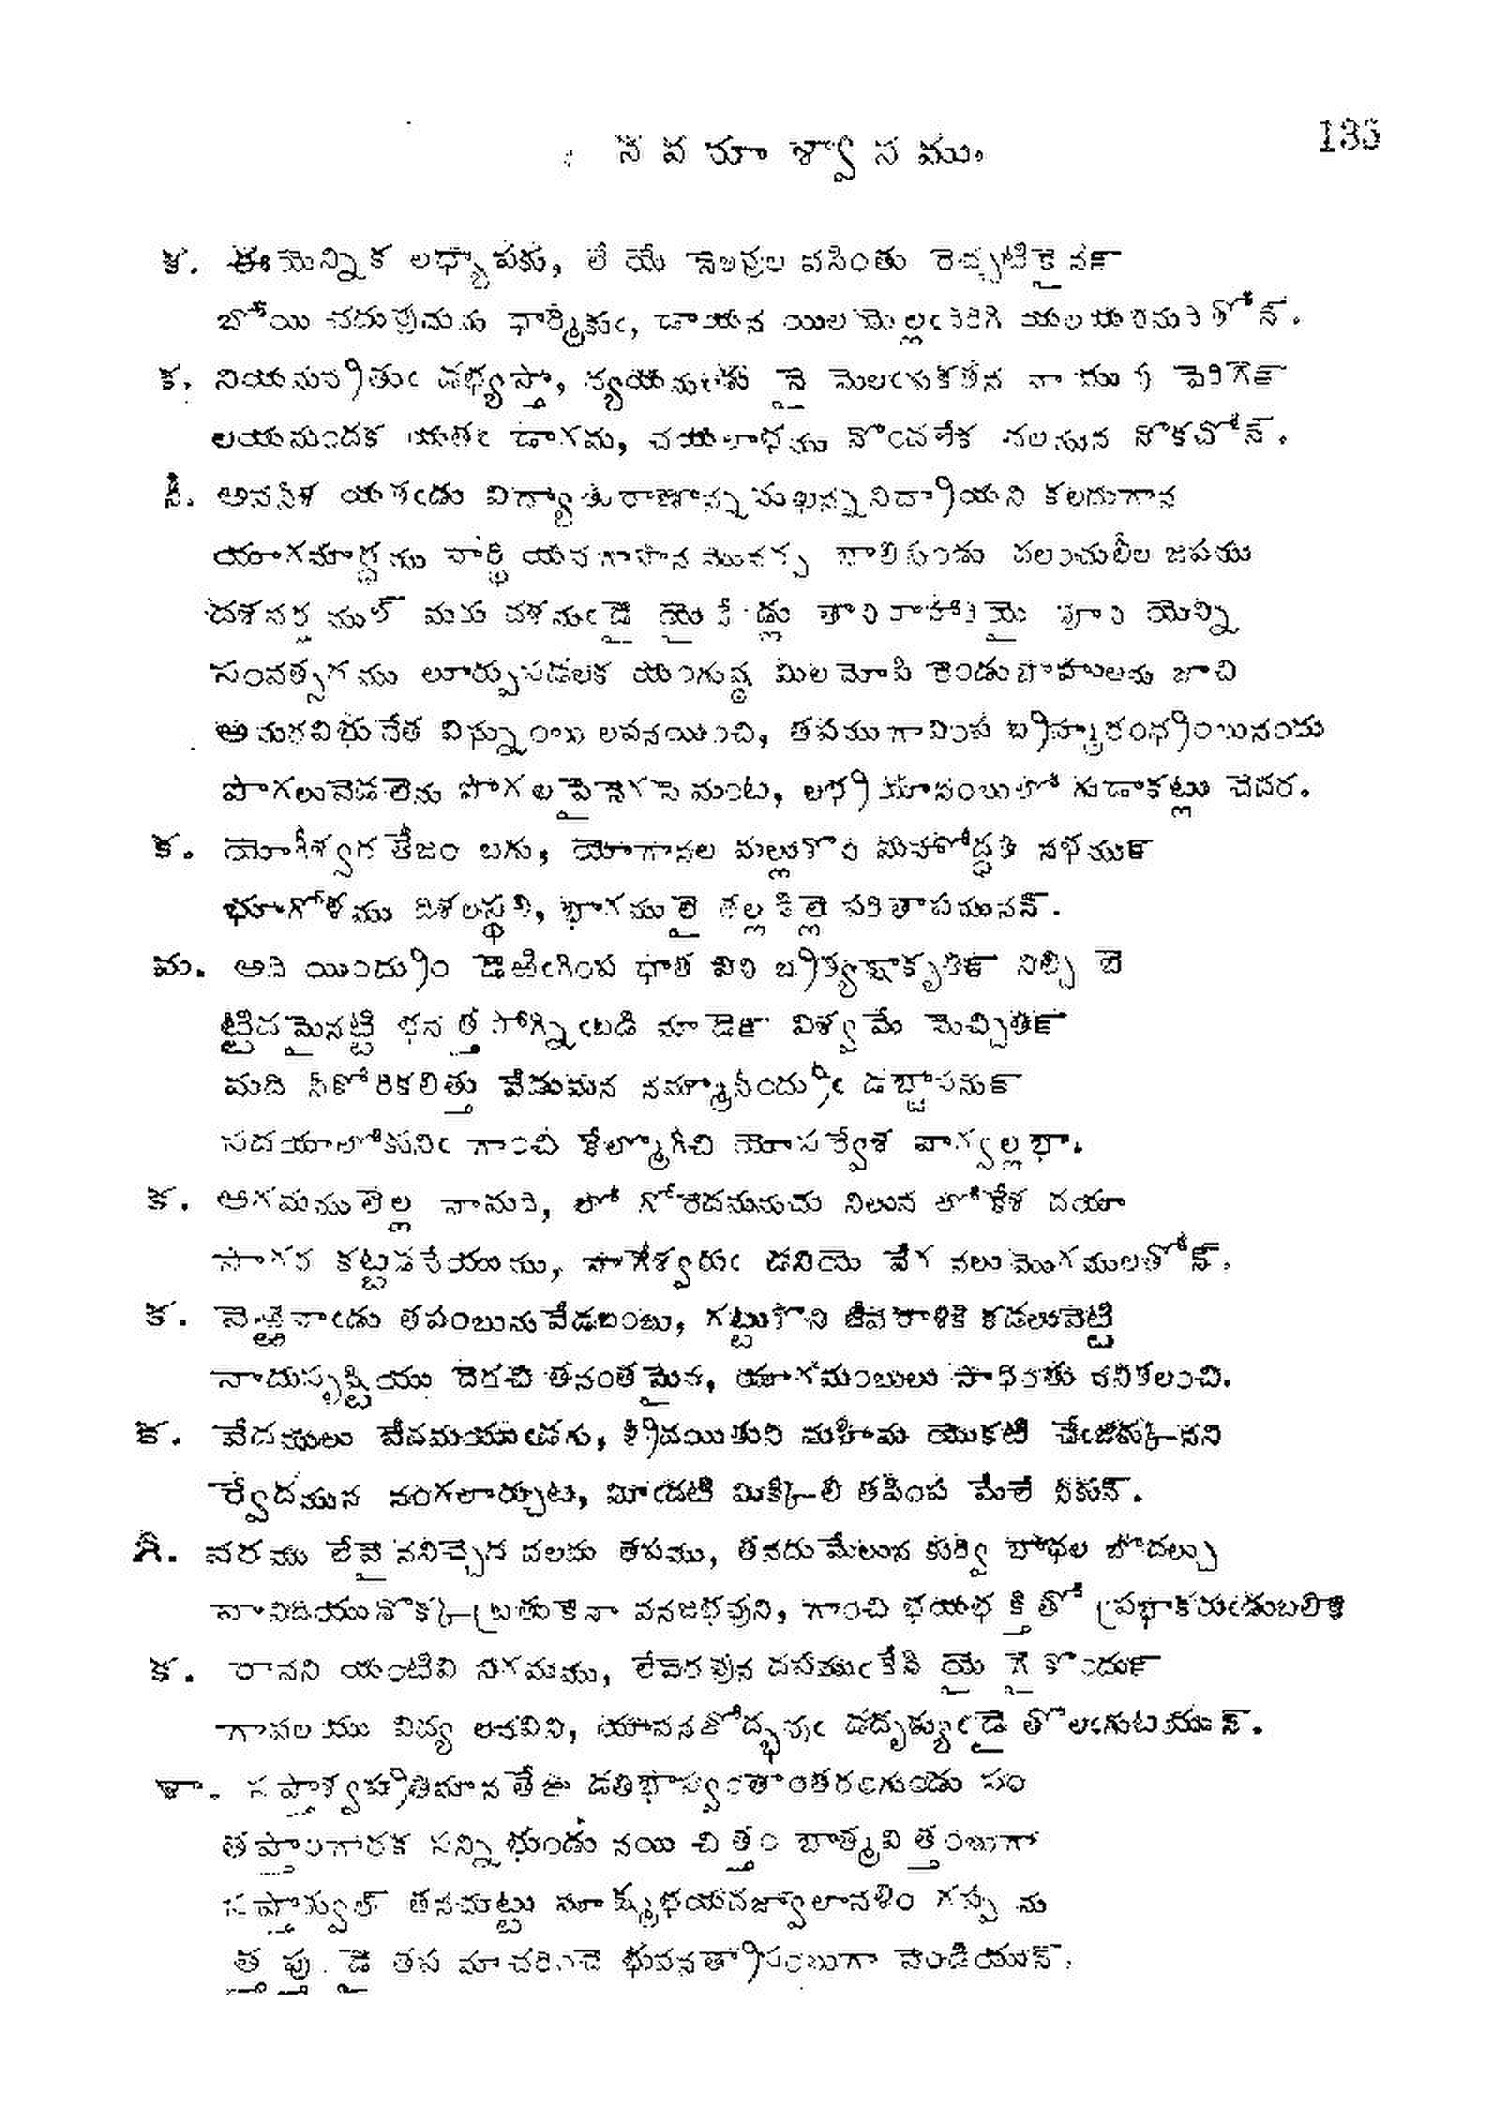క. ఈ యెన్నిక లధ్యాపకు, లే యే నెలవులు వసింతు రెచ్చటికైనన్
 బోయి చదువుచును ధార్మికుఁ, డాయన యిల యెల్లఁ దిరిగి యలయనిమదితోన్.
క. నియమవ్రతుఁ డభ్యస్తా, ద్యయనుఁడు నై మెలఁగుకతన నాయువు పెరిగెన్
 లయమందక యతఁ డాగమ, చయలాభము నొందలేక చలమున నొకచోన్.
సీ. అవనీశ యతఁడు విద్యాతురాణాన్నసుఖన్ననిద్రాయని కలదుగాన
 యాగమార్థము వార్థి యవగాహన మొనర్చ బాలికుండు దలంచులీల జపము
 దశవర్తనముల్ మరు దశనుఁడై యైదేండ్లు తా నిరాహారియై పూని యెన్ని
 సంవత్సరము లూర్పు సడలక యంగుష్ఠ మిల మోపి రెండుబాహులను జాచి
 అమరవిభుచేత విఘ్నంబు లపనయించి, తపము గావింప బహ్మరంధ్రంబునందు
 పొగలు వెడలెను పొగలపై నెగసె మంట, లభ్రయానంబులో గుడాకట్లు చెదర.
క. యోగీశ్వరతేజం బగు, యోగాసనల మల్లుకొని మహోద్ధతి నభమున్
 భూగోళము దిశలస్థలి, భాగములై తల్లడిల్లె పరితాపమునన్.
మ. అది యింద్రుం డెఱిఁగింప ధాత విని బ్రత్యక్షాకృతిన్ నిల్చి బె
 ట్టిదమైనట్టి భనత్తపోగ్నిఁబడి మాడెన్ విశ్వమే మెచ్చితిన్
 మది నీకోరిక లిత్తు వేడుమన నమ్మునీంద్రుఁ డబ్జాసనున్
 సదయాలోకునిఁ గాంచి కేల్మొగిచి యోసర్వేశ వాగ్వల్లభా.
క. ఆగమము లెల్ల నామది, లో గోరెదమనుచు నిలువ లోకేశ దయా
 సాగర కట్టడసేయుము, వాగేశ్వరుఁ డనియె వేగ నలుమొగములతోన్.
క. వెఱ్ఱివాఁడు తపంబును వేడబంబు, గట్టుకొని జీవరాశికి కడలువెట్టి
 నాదుసృష్టియు దెరచి తనంతమైన, యాగమంబులు సాధింతు వనితలంచి.
క. వేదములు వేదమయుఁడగు, శ్రీదయితుని మహిమ యొకటి చేఁజిక్కునని
 ర్వేదమున నంగలార్చుట, మీఁదటి మిక్కిలి తపింప మేలే నీకున్.
గీ. వరము లేవైన నిచ్చెద వలదు తపము, తనదుమేలున కుర్వి బాధల పొదల్చు
 వానిదియు నొక్కబ్రతుకెనా వనజభవుని, గాంచి భయభక్తితో ప్రభాకరుఁడు బలికె.
క. రావని యంటివి నిగమము, లేవెరవున దపముఁ జేసి యే గైకొందున్
 గావలయు విద్య లన విని, యావనజోద్భవుఁ డదృశ్యుఁడై తొలఁగుటయున్.
శా. సప్తాశ్వప్రతిమానతేజుఁ డతిభాస్వంతాంతరంగుండు సం
 తప్తాంగారకసన్నిభుండు నయి చిత్తం బాత్మవిత్తంబుగా
 సప్తాశ్వుల్ తనచుట్టు సూక్ష్మభయదజ్వాలావళిం గప్ప ను
 త్తప్తుండై తప మాచరించె భువనత్రాసంబుగా వెండియున్.